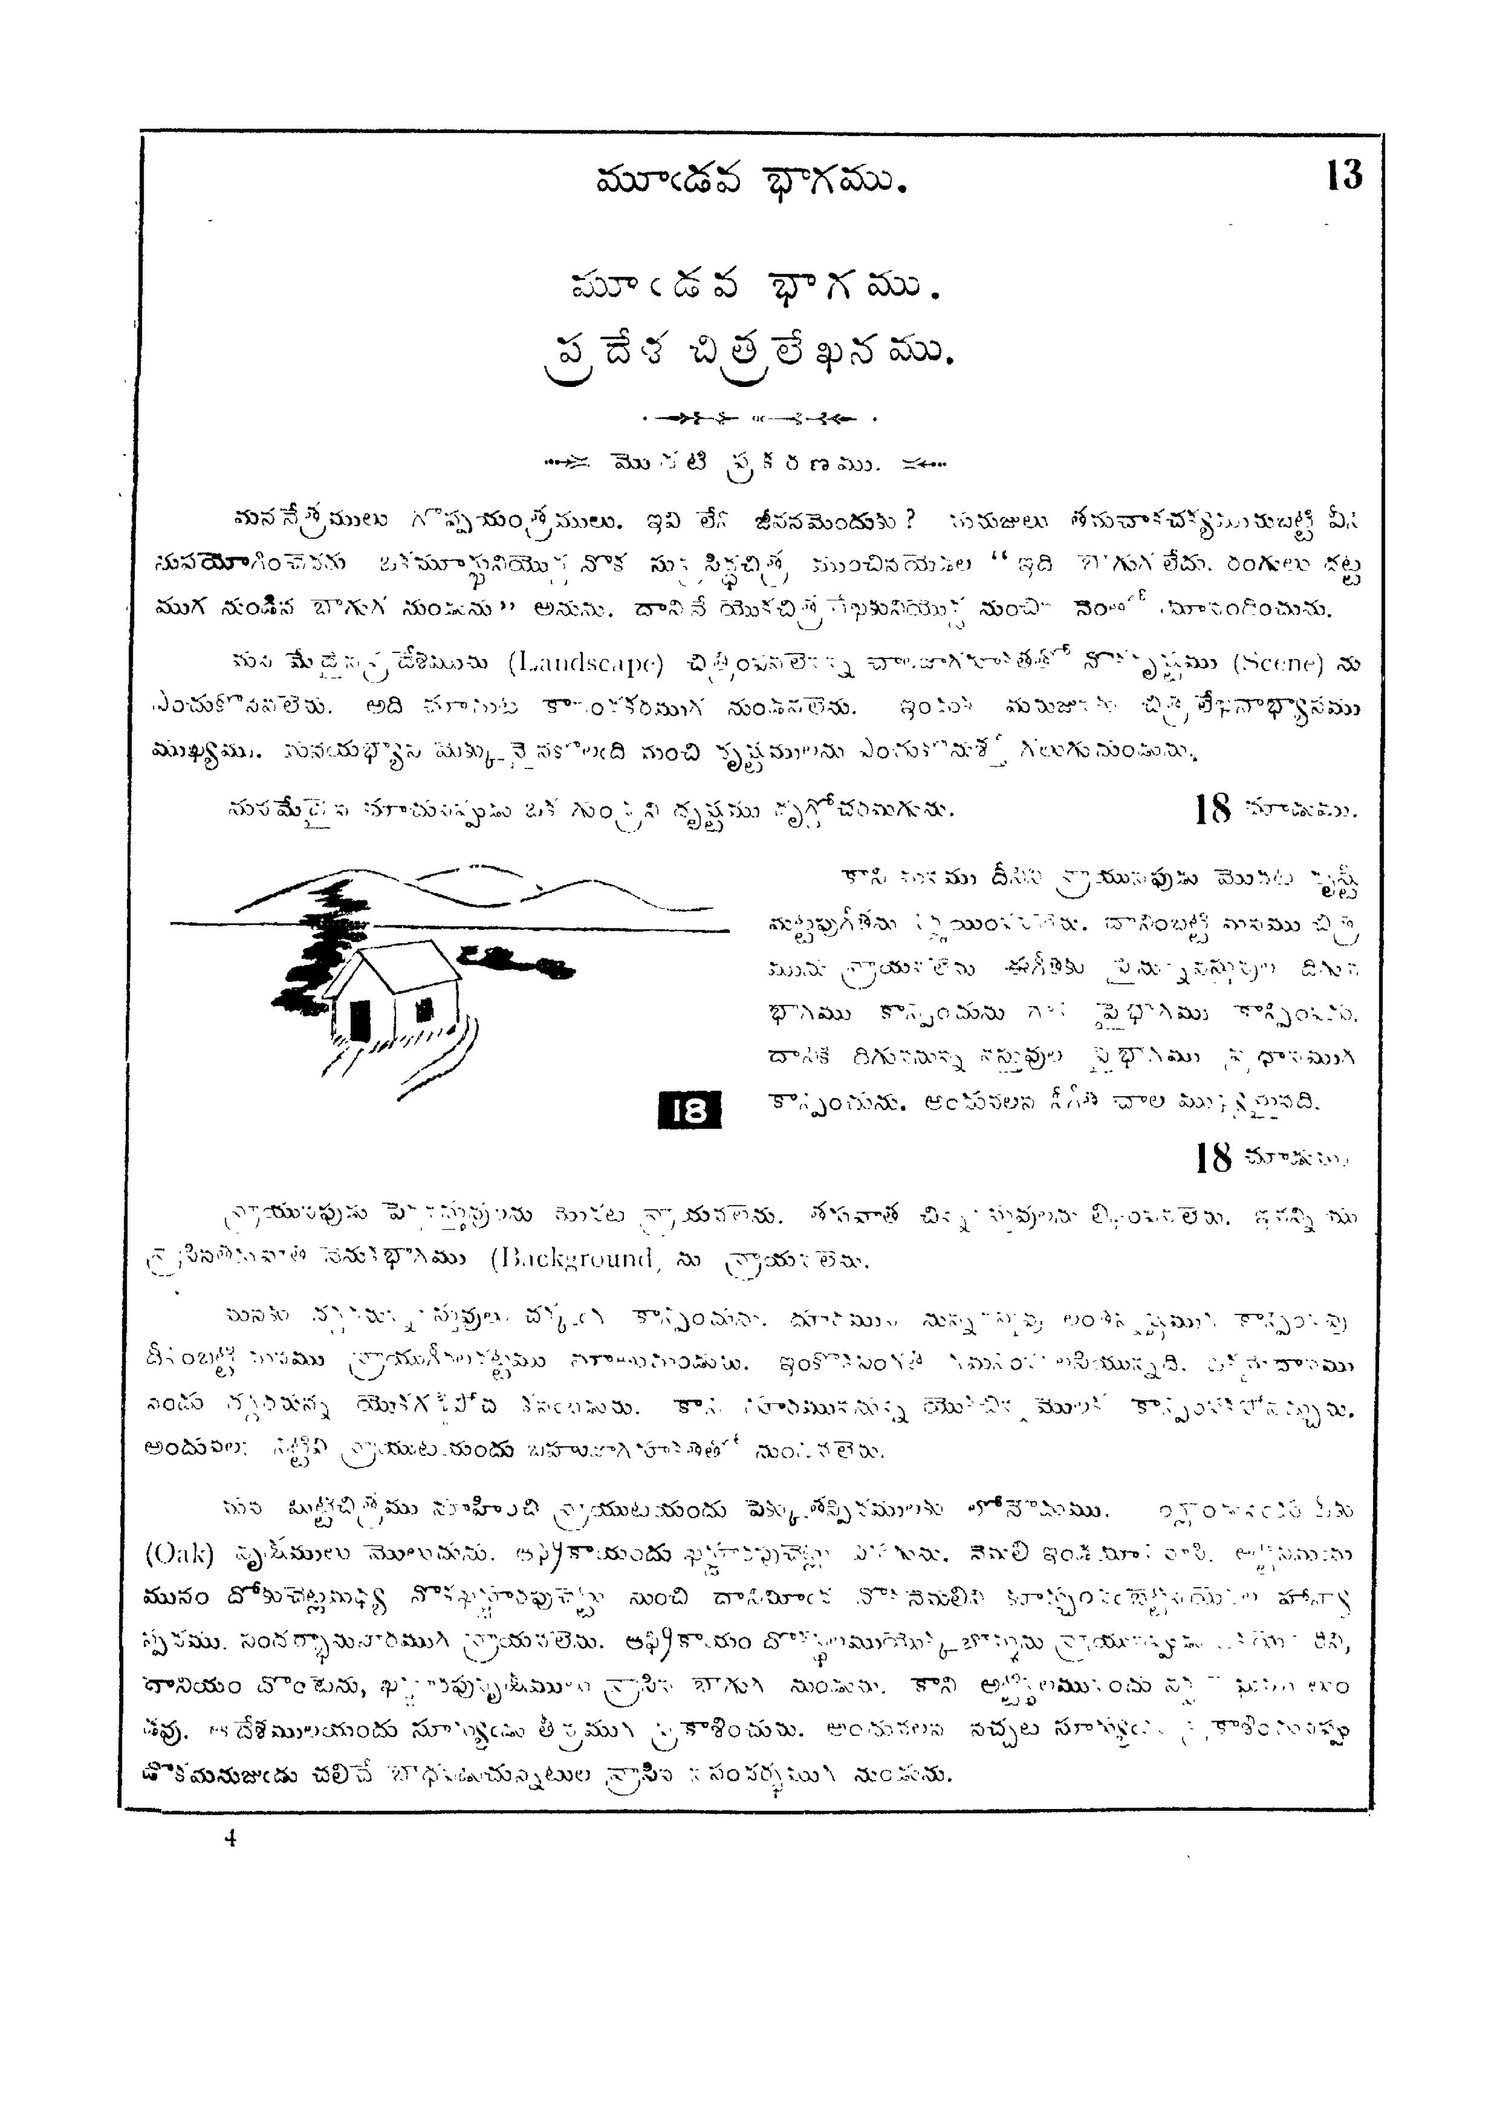మననేత్రములు గొప్పయంత్రములు. ఇవి లేని జీవనమెందుకు? మనుజులు తమచాకచక్యమునుబట్టి వీనినుపయోగించదరు. ఒకమూర్ఖునియెద్దనొక సుప్రసిద్ధచిత్ర ముంచినయెడల "ఇది బాగుగలేదు. రంగులు దట్టముగ నుండిన బాగుగ నుండును" అనును. దానినే యొకచిత్రలేఖకునియెద్దునుంచిన నెంతో యానందించును.

మనమేదైన ప్రదేశమును (Landscape)చిత్రింపవలెనన్న చాలజాగరూకతతో నొకదృష్టము (Scene) ను ఎంచుకొనవలెను. అది చూచుట కానందకరముగ నుండవలెను. ఇందుకు మనుజునకు చిత్రలేఖనాభ్యాసము ముఖ్యము. మనయభ్యాసమెక్కువైన కొలది మంచి దృష్టములను ఎంచుకొనుశక్తి గలుగుచుండును.
మనమేదైనా చూచునప్పుడు ఒక గుండ్రని దృష్టము దృగ్గోచరమగును. 

18 చూడుము

కాని మనము దీనిని వ్రాయునపుడు మొదట దృష్టి మట్టపుగీతను నిర్ణయింపవలెను. దానింబట్టి మనము చిత్రమును వ్రాయవలెను. ఈ గీతకు పైనున్న వస్తువుల దిగువ భాగము కాన్పించును గాని పైభాగము కాన్పింపదు. దానికి దిగువునున్న వస్తువల పైభాగము ప్రధానముగ కాన్పించును. అందువలన ఈగీత చాలా ముఖ్యమైనది. 18 చూడుము

వ్రాయునపుడు పెద్దవస్తువలను మొదట వ్రాయవలెను. తరువాత చిన్నవస్తువులను లిఖింపవలెను. ఇవన్నియు వ్రాసినతరువాత వెనుకభాగము (Background) ను వ్రాయవలెను.

మనకు దగ్గరనున్నవస్తువులు చక్కగ కాన్పించును. దూరమున నున్నవస్తువు లంతస్పష్టముగ కాంపింపవు. దీనింబట్టి మనము వ్రాయుగీతలదట్టము మారుచుండును. ఇంకొకసంగతి గమనించవలసియున్నది.